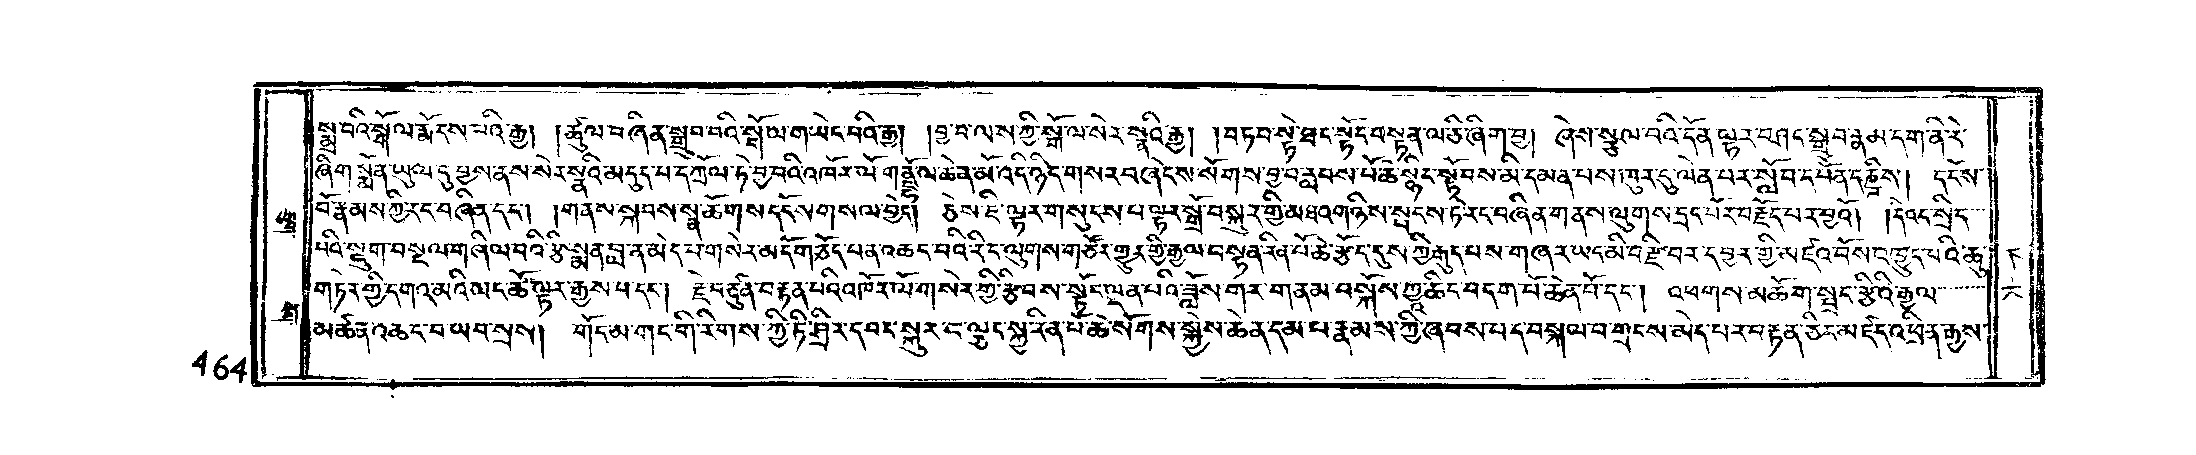སྨྲ་བའི་སྒོལ་རྨོངས་པའི་རྒྱ། །ཚུལ་བཞིན་སྒྲུབ་བའི་སྒོ་ལ་གཡེང་བའི་རྒྱ། །བྱ་བ་ལས་ཀྱི་སྒོ་ལ་སེར་སྣའི་རྒྱ། །བཏབ་སྟེ་ཐང་སྟོང་བསྟན་ལ་ཅི་ཞིག་བྱ། ཞེས་སྩལ་བའི་དོན་ལྟར་བཤད་སྒྲུབ་རྣམ་དག་ནི་རེ་
ཞིག་སྨོན་ཡུལ་དུ་བྱས་ནས་སེར་སྣའི་མདུད་པ་དཀྲོལ་ཏེ་བྱ་བའི་འཁོར་ལོ་གནྡྷོ་ལ་ཆེན་མོ་འདི་ཉིད་གསར་བཞེངས་སོགས་བྱ་བ་རླབས་པོ་ཆེ་སྙིང་སྟོབས་མི་དམན་པས་ཁུར་དུ་ལེན་པར་སློབ་དཔོན་དཎྜིས། དངོས་
པོ་རྣམས་ཀྱི་རང་བཞིན་དང་། །གནས་སྐབས་སྣ་ཚོགས་དངོས་གསལ་བྱེད། ཅེས་ཇི་ལྟར་གསུངས་པ་ལྟར་སྒྲོ་བསྐུར་གྱི་མཐའ་གཉིས་སྤངས་ཏེ་རང་བཞིན་གནས་ལུགས་དྲང་པོར་བརྗོད་པར་བྱའོ། །དེའང་སྲིད་
པའི་སྡུག་བསྔལ་གཞིལ་བའི་རྩི་སྨན་བླ་ན་མེད་པ་གསེར་མདོག་ཅོད་པན་འཆང་བའི་རིང་ལུགས་གཙོར་གྱུར་གྱི་རྒྱལ་བསྟན་རིན་པོ་ཆེ་རྩོད་དུས་ཀྱི་རྒུད་པས་གཞར་ཡང་མི་བརྫི་བར་དབྱར་གྱི་མཛའ་བོས་འཁྱུད་པའི་ཆུ་
གཏེར་གྱི་དགའ་མའི་ལང་ཚོ་ལྟར་རྒྱས་པ་དང་། རྗེ་བཙུན་བརྟན་པའི་འཁོར་ལོ་གསེར་གྱི་རྩིབས་སྟོང་ལྡན་པའི་ཟློས་གར་གནམ་བསྐོས་ཀྱཱ་ཆིང་བདག་པོ་ཆེན་པོ་དང་། འཕགས་མཆོག་སྤྲང་རྩིའི་རྒྱལ་
མཚན་འཆང་བ་ཡབ་སྲས། གོང་མ་གང་གི་རིགས་ཀྱི་ཏི་ཤྲིར་དབང་སྐུར་ང་ལྕང་སྐྱ་རིན་པོ་ཆེ་སོགས་སྐྱེས་ཆེན་དམ་པ་རྣམས་ཀྱི་ཞབས་པད་བསྐལ་བ་གྲངས་མེད་པར་བརྟན་ཅིང་མཛད་འཕྲིན་རྒྱས་